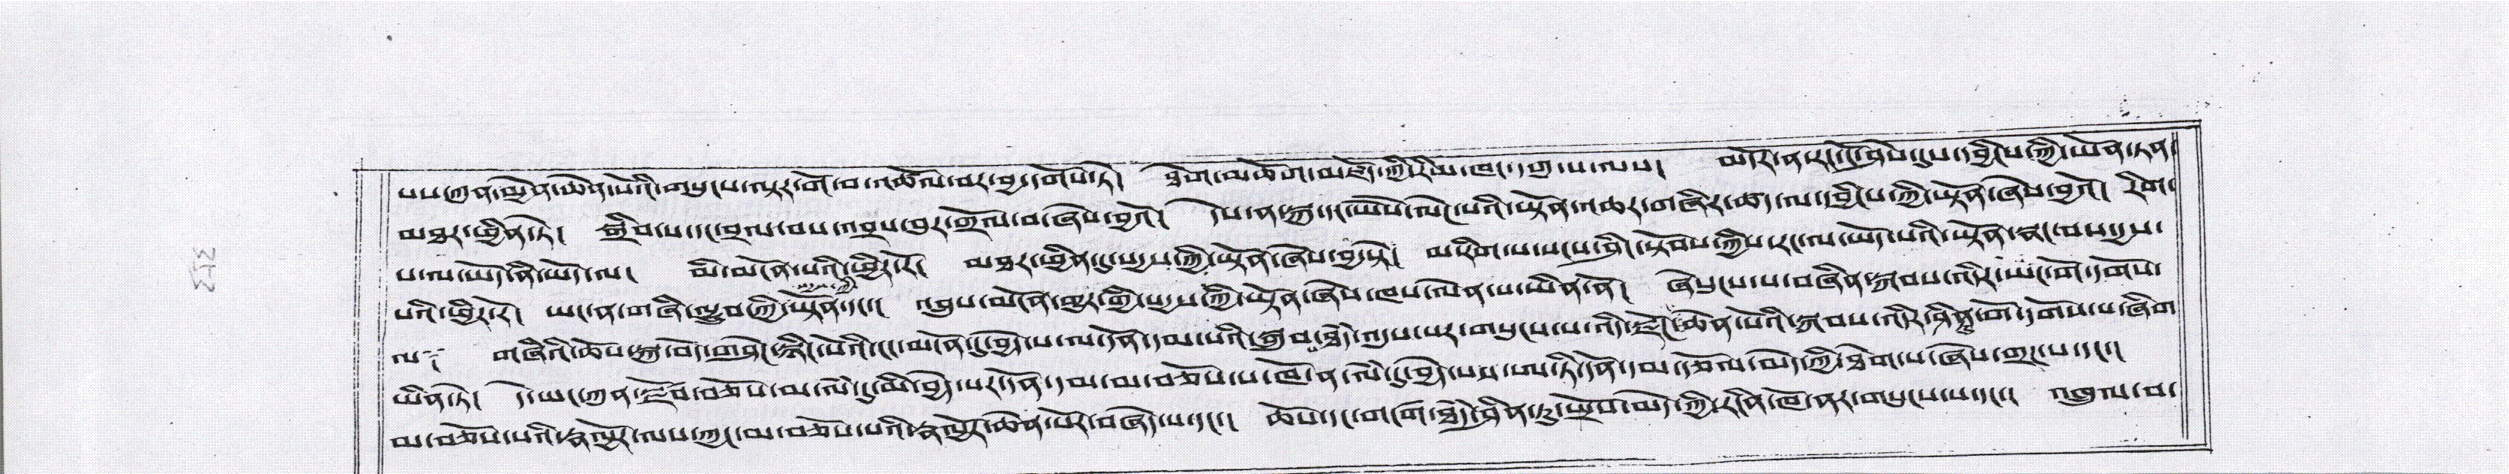པས་ཀུན་མཁྱེན་ཆེན་པོའི་གསུངས་ལྟར་གོ་བ་འཚོལ་བར་བྱ་དགོས་ཏེ། ཐེག་མཆོག་མཛོད་ཀྱི་རིམ་ཁང་དགུ་པ་ལས། མདོར་ན་རང་ངོ་ཤེས་དུས་དབྱིངས་ཀྱི་ཡོན་ཏན་
མཐར་ཕྱིན་ཏེ། སྒྲིབ་པ་དང་བྲལ་བས་འབྲས་བུར་གྲོལ་བ་ཞེས་བྱའོ། དེས་ན་སྐུ་དང་ཡེ་ཤེས་ལེགས་པའི་ཡོན་ཏན་འཆར་གཞིར་ཚད་ལ་དབྱིངས་ཀྱི་ཡོན་ཏན་ཞེས་བྱའོ། རིག་
པ་ལ་ཡོད་ནི་ཡོད་ལ། མི་མངོན་པའི་ཕྱིར་རོ། མཐར་ཕྱིན་དུ་སངས་རྒྱས་ཀྱི་ཡོན་ཏན་ཞེས་བྱ་སྟེ། མ་རིག་པ་སངས་ཤིང་སྟོབས་ཀྱིས་རང་ལ་ཡོད་པའི་ཡོན་ཏན་སྣང་བས་རྒྱས་
པའི་ཕྱིར་རོ། ཡང་ན་གཞི་ལྷུན་གྲུབ་ཀྱི་སངས་རྒྱས་ཀྱི་ཡོན་ཏན་དང། འབྲས་བུ་མངོན་གྱུར་གྱི་སངས་རྒྱས་ཀྱི་ཡོན་ཏན་ཞེས་ཁས་ལེན་པ་ཡིན་ནོ། ཞེས་གསུངས་པ་བཞིན་སྐབས་འདིར་ཡང་གོ་དགོས་
ལ། གཞིའི་ཆོས་སྐུ་བདེ་གཤེགས་སྙིང་པོའི་ངང་མངོན་དུ་བྱེད་པ་ལ་དོན་དམ་པའི་སྒྲུབ་པ་ཐམས་ཅད་འདུས་པར་གསུངས་པ་འདི་རྫོགས་པ་ཆེན་པོའི་སྐབས་འདིར་ཤིན་ཏུ་གོ་དགོས་པ་ཞིག་
ཡིན་ཏེ། དེ་ཡང་ཀུན་རྫོག་བཅོས་མ་ལམ་དུ་མི་བྱེད་པར་དོན་དམ་མ་བཅོས་པ་ཁོ་ན་ལམ་དུ་བྱེད་པས་ཨ་ཏི་དོན་དམ་རྩོལ་མེད་ཀྱི་ཐེག་པ་ཞེས་གྲགས་པ་དང། 
མ་བཅོས་པའི་རྣལ་འབྱོར་ལས་ཀྱང་མ་བཅོས་པའི་རྣལ་འབྱོར་ཆེན་པོར་བཞེད་པ་དང། ཆོས་དང་གང་ཟག་ཐམས་ཅད་ཤིན་ཏུ་སྤྲོས་མེད་ཀྱི་རང་བཞིན་ཁོ་ནར་གསུངས་པ་དང། འཁྲུལ་བ་